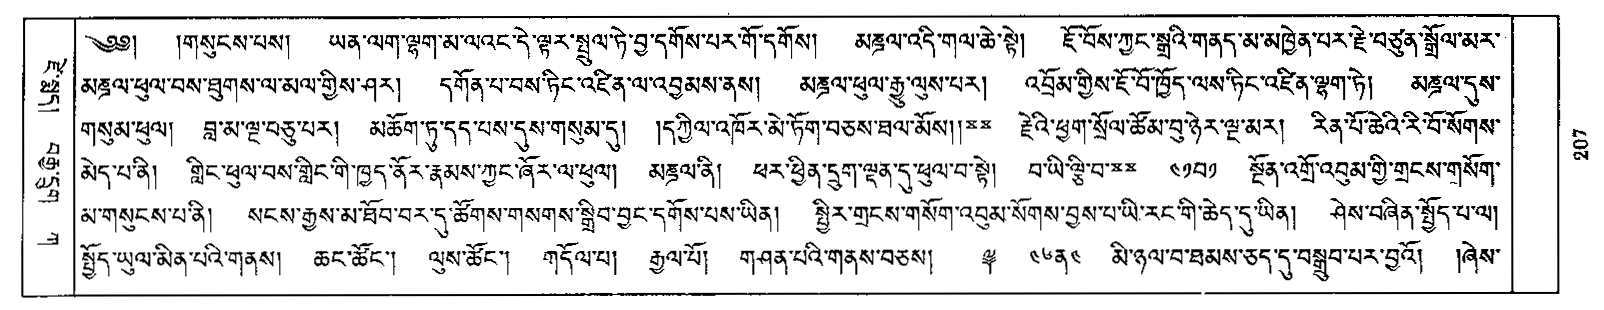༄༅། །གསུངས་པས། ཡན་ལག་ལྷག་མ་ལའང་དེ་ལྟར་སྤྲུལ་ཏེ་བྱ་དགོས་པར་གོ་དགོས། མཎྜལ་འདི་གལ་ཆེ་སྟེ། ཇོ་བོས་ཀྱང་སྒྲའི་གནད་མ་མཁྱེན་པར་རྗེ་བཙུན་སྒྲོལ་མར་
མཎྜལ་ཕུལ་བས་ཐུགས་ལ་མལ་གྱིས་ཤར། དགོན་པ་བས་ཏིང་འཛིན་ལ་འབྱམས་ནས། མཎྜལ་ཕུལ་རྒྱུ་ལུས་པར། འབྲོམ་གྱིས་ཇོ་བོ་ཁྱོད་ལས་ཏིང་འཛིན་ལྷག་ཏེ། མཎྜལ་དུས་
གསུམ་ཕུལ། བླ་མ་ལྔ་བཅུ་པར། མཆོག་ཏུ་དད་པས་དུས་གསུམ་དུ། །དཀྱིལ་འཁོར་མེ་ཏོག་བཅས་ཐལ་མོས།། རྗེའི་ཕྱག་སྲོལ་ཚོམ་བུ་ཉེར་ལྔ་མར། རིན་པོ་ཆེའི་རི་བོ་སོགས་
མེད་པ་ནི། གླིང་ཕུལ་བས་གླིང་གི་ཁྱད་ནོར་རྣམས་ཀྱང་ཞོར་ལ་ཕུལ། མཎྜལ་ནི། ཕར་ཕྱིན་དྲུག་ལྡན་དུ་ཕུལ་བ་སྟེ། བ་ཡི་ལྕི་བ ༤༡་བ ༡་སྔོན་འགྲོ་འབུམ་གྱི་གྲངས་གསོག་
མ་གསུངས་པ་ནི། སངས་རྒྱས་མ་ཐོབ་པར་དུ་ཚོགས་གསགས་སྒྲིབ་བྱང་དགོས་པས་ཡིན། སྤྱིར་གྲངས་གསོག་འབུམ་སོགས་བྱས་པ་ཡི་རང་གི་ཆེད་དུ་ཡིན། ཤེས་བཞིན་སྤྱོད་པ་ལ།
སྤྱོད་ཡུལ་མིན་པའི་གནས། ཆང་ཚོང་། ལུས་ཚོང་། གདོལ་པ། རྒྱལ་པོ། གཤན་པའི་གནས་བཅས། ༈ ༤༦་ན ༤་མི་ཉལ་བ་ཐམས་ཅད་དུ་བསྒྲུབ་པར་བྱའོ། །ཞེས་